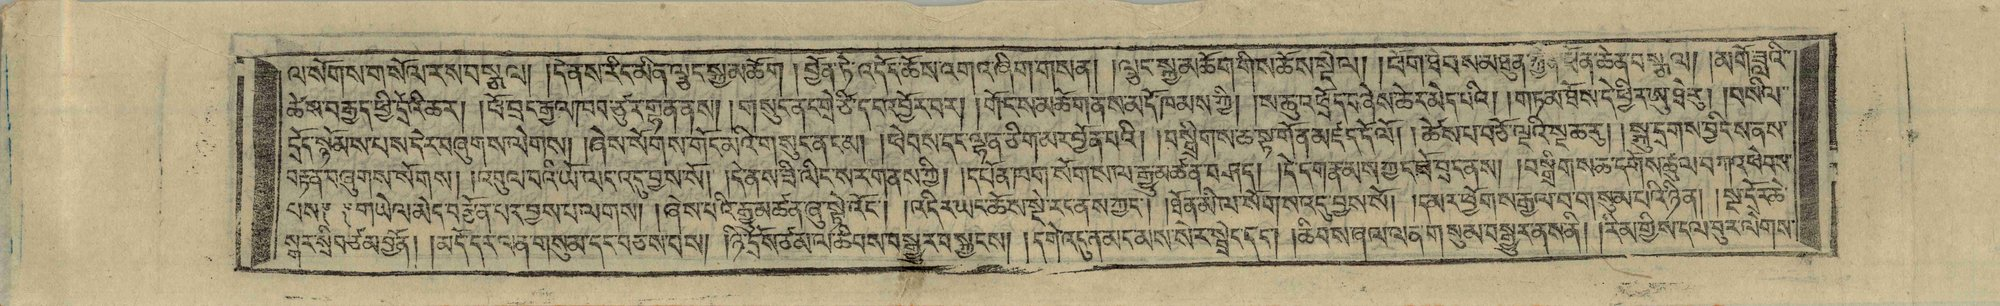ལ་སོགས་གསོལ་རས་བསྩལ། །དེ་ནས་རིང་མིན་ལྕང་སྐྱ་མཆོག །བྱོན་ཏེ་འདོད་ཆོས་འགའ་ཞིག་གསན། །ལྕང་སྐྱ་མཆོག་གིས་ཆོས་སྡེ་ལ། །ཕོག་ཐེབས་མཐུན་རྐྱེན་ཕོན་ཆེན་བསྩལ། །མགོ་ཟླའི་
ཚེས་བརྒྱད་ཕྱི་དྲོའི་ཆར། །ཕོ་བྲང་རྒྱལ་ཁབ་ཙུར་གྷན་ནས། །གསུང་ནང་གྲེ་ཙི་དང་འབྱོར་བར། །གོང་ས་མཆོག་ནས་མདོ་ཁམས་ཀྱི། །ས་ཆུ་འཕྲོད་བཞེས་ཆེར་མེད་པའི། །གཏམ་ཐོས་དེ་ཕྱིར་ཨུ་ཐེ་རུ། །བསིལ་
དྲོད་སྙོམས་པས་དེར་བཞུགས་ལེགས། །ཞེས་སོགས་གོང་མའི་གསུང་ནང་མ། །ཕེབས་དང་ལྷན་ཅིག་མར་བྱོན་པའི། །བསྒྲིགས་ཆ་སྟ་གོན་མཛད་དོ་ལོ། །ཚེས་པ་བཅོ་ལྔའི་སྔ་ཆ་རུ། །སྐུ་དྲགས་བྱིངས་ནས་
བརྟན་བཞུགས་སོགས། །འབུལ་བའི་ཡོ་ལང་འདུ་བྱས་སོ། །དེ་ནས་ཟི་ལིང་སར་གནས་ཀྱི། །དཔོན་ཁག་སོགས་ལ་རྒྱུ་མཚན་བཤད། །དེ་དག་རྣམས་ཀྱང་ཕོ་བྲང་ནས། །བསྒྲིགས་ཆ་དགོས་ཚུལ་བཀའ་ཕེབས་
པས༑ ༑གཡེལ་མེད་བརྩོན་པར་བྱས་པ་ལགས། །ཞེས་པའི་རྒྱུ་མཚན་ཞུ་སྟེ་འོང་། །འདིར་ཡང་ཆོས་སྡེ་རང་ནས་ཀྱང་། །ཐོན་མི་ལ་སོགས་འདུ་བྱས་སོ། །དམར་ཕྱོགས་རྒྱལ་བ་གསུམ་པའི་ཉིན། །སྔ་དྲོར་ཆེ་
སྒར་སྲིབ་ཙམ་བྱོན། །མདོ་དར་ལན་གསུམ་དང་བཅས་པས། །ཉི་དྲོས་ཙམ་ལ་ཆིབས་བསྒྱུར་བསྐྱངས། །དགེ་འདུན་མང་མས་སེར་སྦྲེང་དང་། །ཆིབས་ཞལ་ལན་གསུམ་བསྒྱུར་ནས་ནི། །རིམ་གྱིས་དལ་བུར་ལེགས་